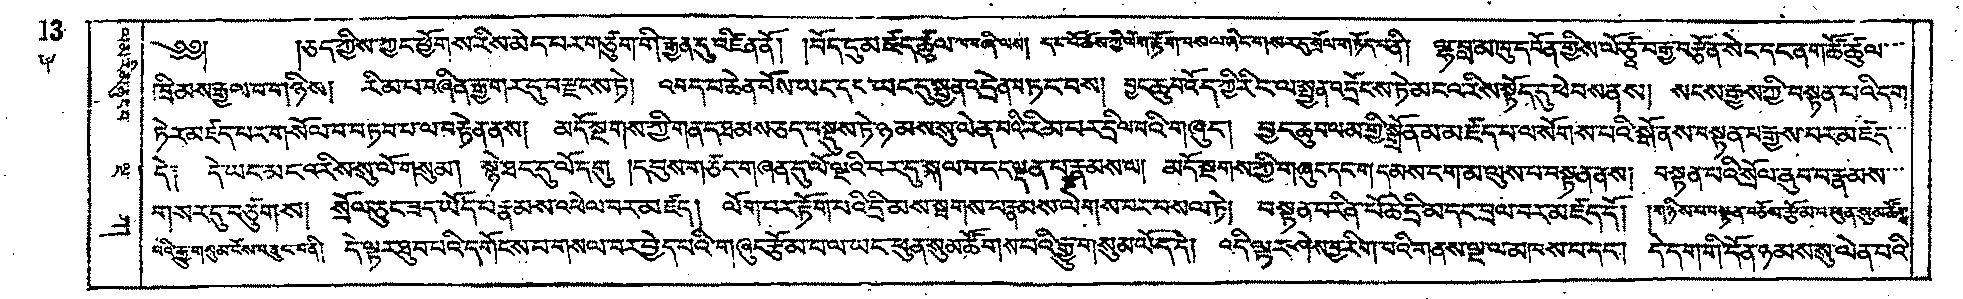༄༅། །ཅད་ཀྱིས་ཀྱང་ཕྱོགས་རིས་མེད་པར་གཙུག་གི་རྒྱན་དུ་འཛིན་ནོ། །བོད་དུ་མཛད་ཚུལ་ལ་བཞི་ལས། དང་པོ་ཆོས་ཀྱི་ལོག་རྟོག་བསལ་ཞིང་གསར་དུ་སྲོལ་གཏོད་པ་ནི། ལྷ་བླ་མ་ཁུ་དབོན་གྱིས་ལོ་ཙཱ་བརྒྱ་བརྩོན་སེང་དང་ནག་ཚོ་ཚུལ་
ཁྲིམས་རྒྱལ་བ་གཉིས། རིམ་པ་བཞིན་རྒྱ་གར་དུ་བརྫངས་ཏེ། འབད་པ་ཆེན་པོས་ཡང་དང་ཡང་དུ་སྤྱན་འདྲེན་བཏང་བས། བྱུང་ཆུབ་འོད་ཀྱི་རིང་ལ་སྤྱན་འདྲོངས་ཏེ་མངའ་རིས་སྟོད་དུ་ཕེབས་ནས། སངས་རྒྱས་ཀྱི་བསྟན་པའི་དག་
ཏེར་མཛད་པར་གསོལ་བ་བཏབ་པ་ལ་བརྟེན་ནས། མདོ་སྔགས་ཀྱི་གནད་ཐམས་ཅད་བསྡུས་ཏེ་ཉམས་སུ་ལེན་པའི་རིམ་པར་དྲིལ་བའི་གཞུང་། བྱང་ཆུབ་ལམ་གྱི་སྒྲོན་མ་མཛད་པ་ལ་སོགས་པའི་སྒོ་ནས་བསྟན་པ་རྒྱས་པར་མཛད་
དེ༑ དེ་ཡང་མངའ་རིས་སུ་ལོ་གསུམ། སྙེ་ཐང་དུ་ལོ་དགུ །དབུས་གཙང་གཞན་དུ་ལོ་ལྔའི་བར་དུ་སྐལ་བ་དང་ལྡན་པ་རྣམས་ལ། མདོ་སྔགས་ཀྱི་གཞུང་དང་གདམས་ངག་མ་ལུས་པ་བསྟན་ནས། བསྟན་པའི་སྲོལ་ནུབ་པ་རྣམས་
གསར་དུ་བཙུགས། སྲོལ་ཅུང་ཟད་ཡོད་པ་རྣམས་འཕེལ་བར་མཛད། ལོག་པར་རྟོག་པའི་དྲི་མས་སྦགས་པ་རྣམས་ལེགས་པར་བསལ་ཏེ། བསྟན་པ་རིན་པོ་ཆེ་དྲི་མ་དང་བྲལ་བར་མཛད་དོ། །གཉིས་པ་བསྟན་བཅོས་རྩོམ་པ་ཕུན་སུམ་ཚོགས་
པའི་རྒྱུ་གསུམ་ངོས་བཟུང་བ་ནི། དེ་ལྟར་ཐུབ་པའི་དགོངས་པ་གསལ་བར་བྱེད་པའི་གཞུང་རྩོམ་པ་ལ་ཡང་ཕུན་སུམ་ཚོགས་པའི་རྒྱུ་གསུམ་ཡོད་དེ། འདི་ལྟར་ཤེས་བྱ་རིག་པའི་གནས་ལྔ་ལ་མཁས་པ་དང་། དེ་དག་གི་དོན་ཉམས་སུ་ལེན་པའི་